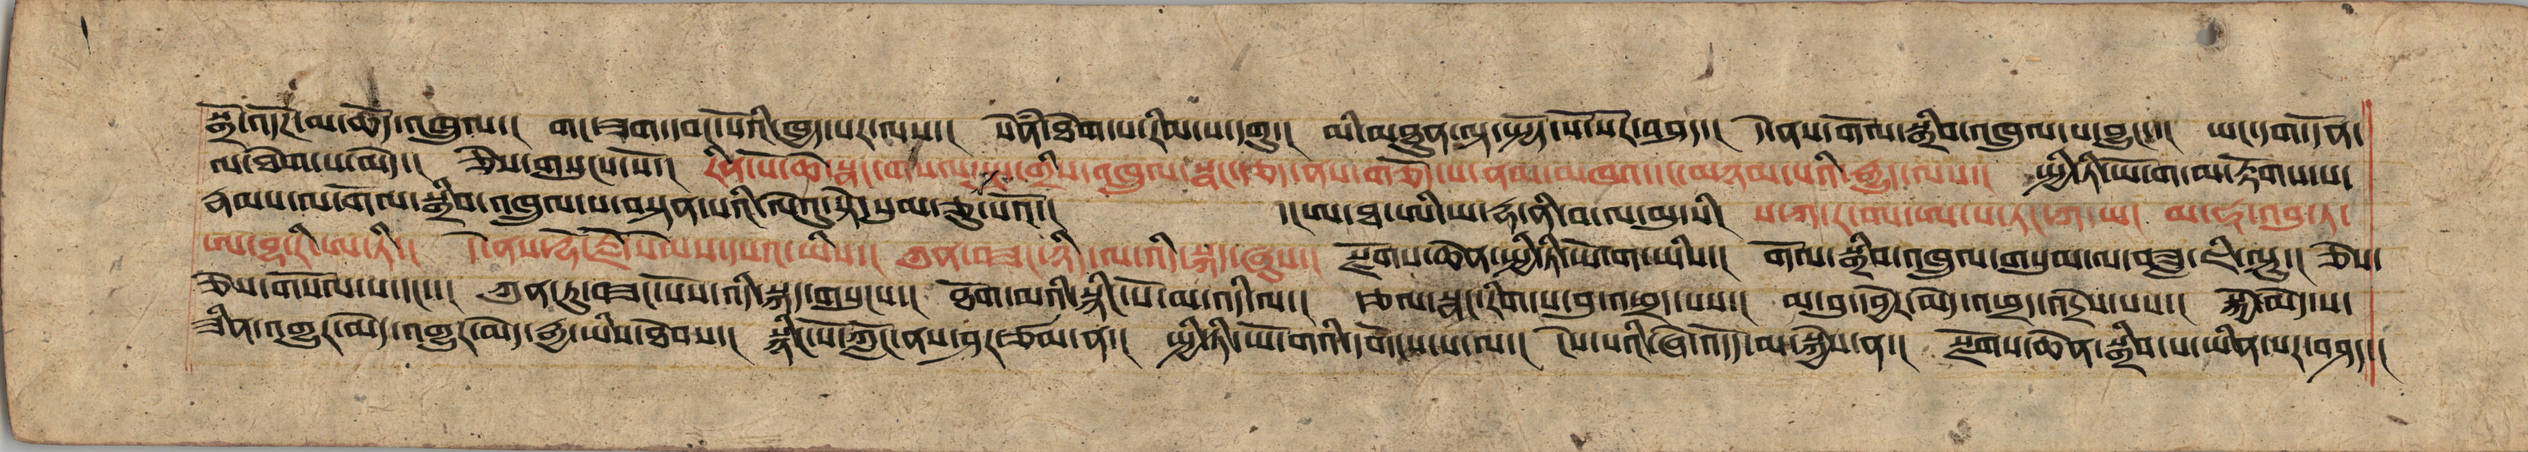སྒྲོ་འདོཌ་མ་ཆོད་འཁྲུལ་། གང་ཟག་དབང་པོའི་ཁྱད་པར་ལས་། སེཾན་ཐེག་པ་རིམ་པ་དགུ་། མི་མཐུན་ལྟ་སྤྱོད་སོ་སོར་བཤད་། དེ་ནས་གོལ་སྒྲིབ་འཁྲུལ་པ་བྱུང་་། ཡང་དག་དོན་
ལ་ཐེག་པ་མེད་། ཅེས་གསུངས་སོ་། རིན་པོ་ཆེ་སྣང་གསལ་སྤུ་གྲིས་འཁྲུལ་སྣང་རྩད་ནས་གཅོད་པ་ནམ་མཁའ་དང་མཉམ་པའི་རྒྱུད་ལས་། སྤྱི་ཏི་ཡོ་ག་མ་རྟོགས་པ་
རྣམས་ལ་གོལ་སྒྲིབ་འཁྲུལ་པ་བསྟན་པའི་ལེའུ་སྟེ་སུམ་ཅུ་པའོ་། ་།ཨ་ཐ་ཨི་ཡ་དྷ་ནི་བ་ལ་མུ་སི། ས་ཀ་ར་བས་ཨ་ས་ཏང་ཀ་ཡ། མ་ཧཱ་འབུ་ཏ་
ཨ་བྷ་རི་ཨ་ཏི་། དེ་ནས་རྡོ་རྗེ་སེམས་དཔའ་ཡིས་། ཀུན་བཟང་ཉིད་ལ་འདི་སྐད་ཞུས་། སྫོགས་ཆེན་སྤྱི་ཏི་ཡོ་ག་ཡིས་། གོལ་སྒྲིབ་འཁྲུལ་གསུམ་ལ་བཟླ་ཇི་ལྟུ་། ཅེས་
ཅེས་གསོལ་པ་དང་་། ཀུན་ཏུ་བཟང་པོས་འདི་སྐད་གསུངས་། ཐོག་མའི་སྙིང་པོ་མ་འདི་ལ་། རྩལ་སྣང་རིག་པ་བུ་འཕྲད་པས་། མ་བུ་དབྱེར་མེད་འཕྲད་འདྲེས་པས་། སྐྱོ་མེད་པ་
ཟིན་འགྱུར་མེད་འགྱུར་མེད་རྒྱ་ཡིས་ཐོབས་། སྙིང་པོ་ཀློང་ནས་ཤར་ཙམ་ན་། སྤྱི་ཏི་ཡོ་གའི་དགོངས་པ་ལ་། ངེས་པའི་ཞེ་འདོད་མ་སྐྱེས་ན་། སྫོགས་ཆེན་སྒྲིབ་པ་ཡིན་པར་བཤད་།